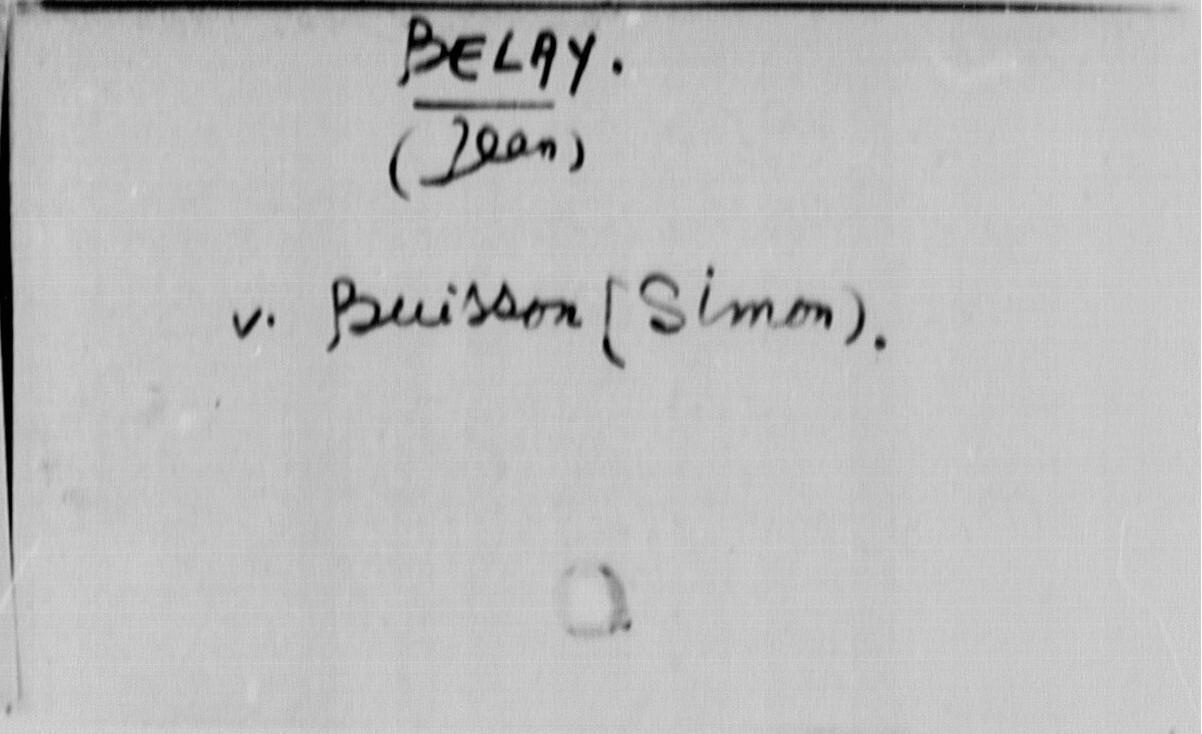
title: BELAY (Jean)
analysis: Voir BUISSON (Simon)
